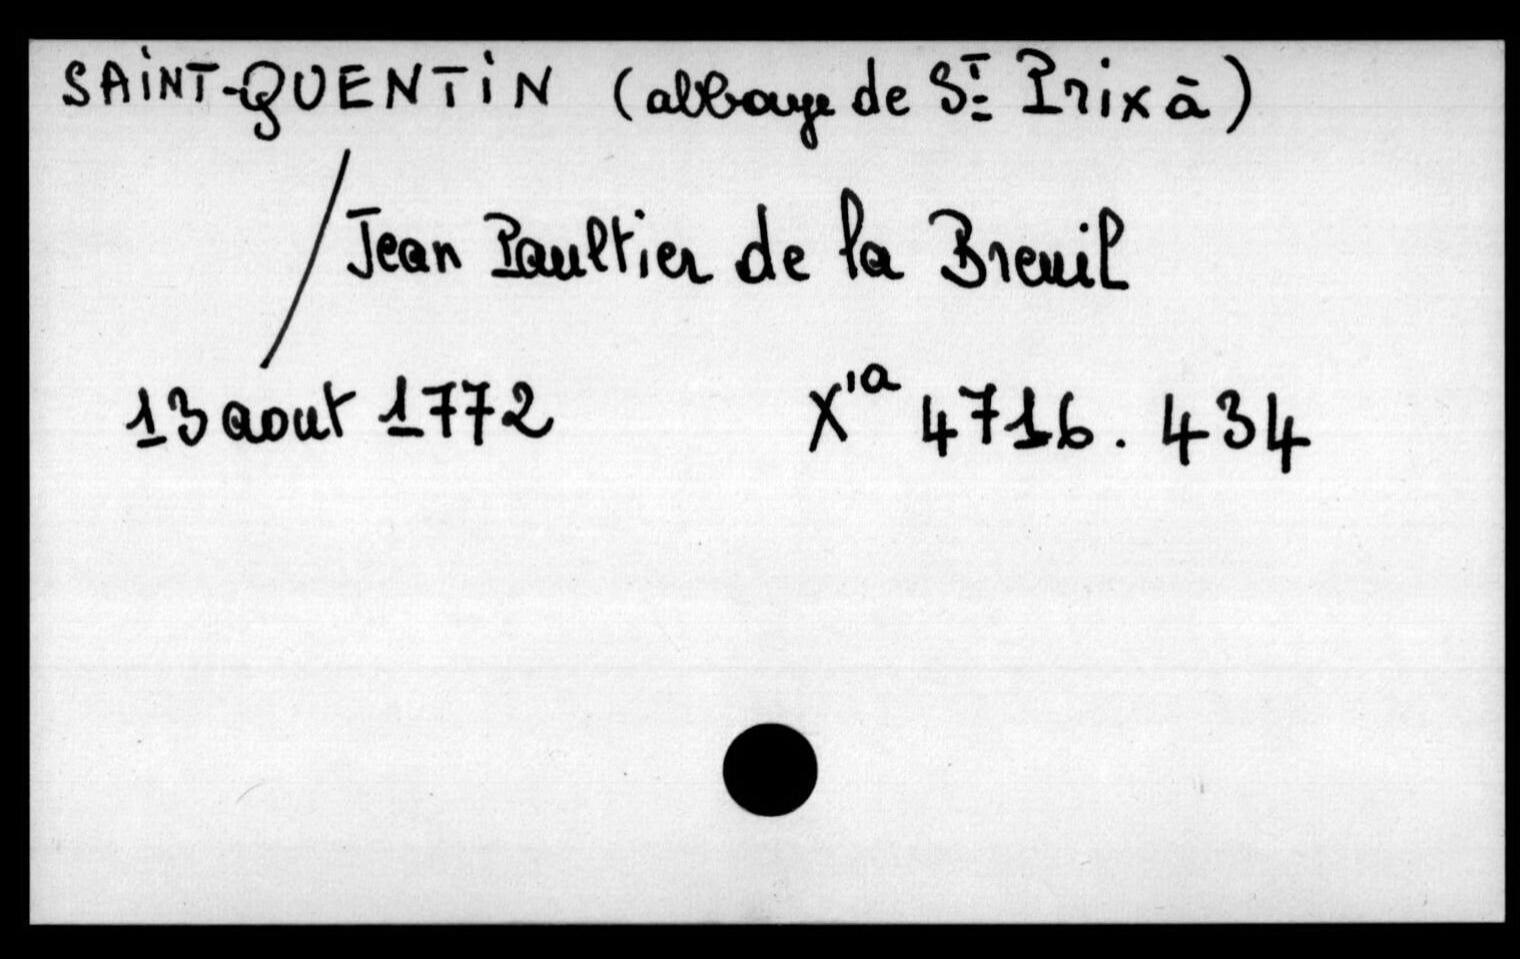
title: SAINT-QUENTIN (abbaye de Saint-PrIx à)
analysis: Contre Jean Paultier de la Breuil
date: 13 août 1772
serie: X1a
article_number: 4716
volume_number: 434
